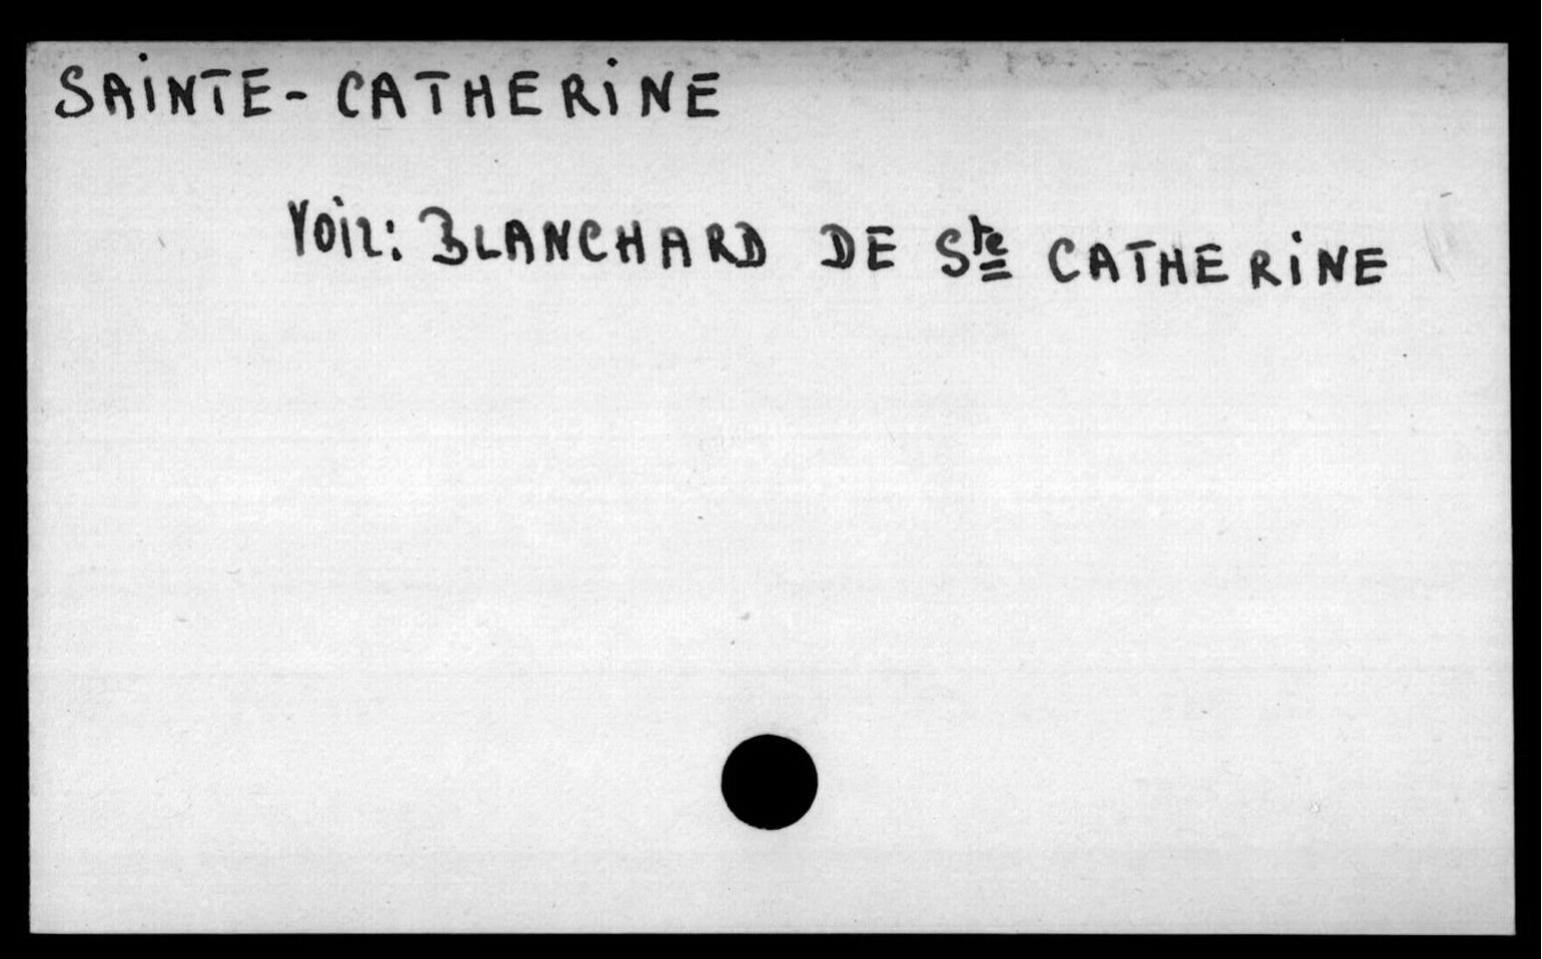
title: SAINTE-CATHERINE
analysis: Voir : BLANCHARD DE SAINTE CATHERINE
